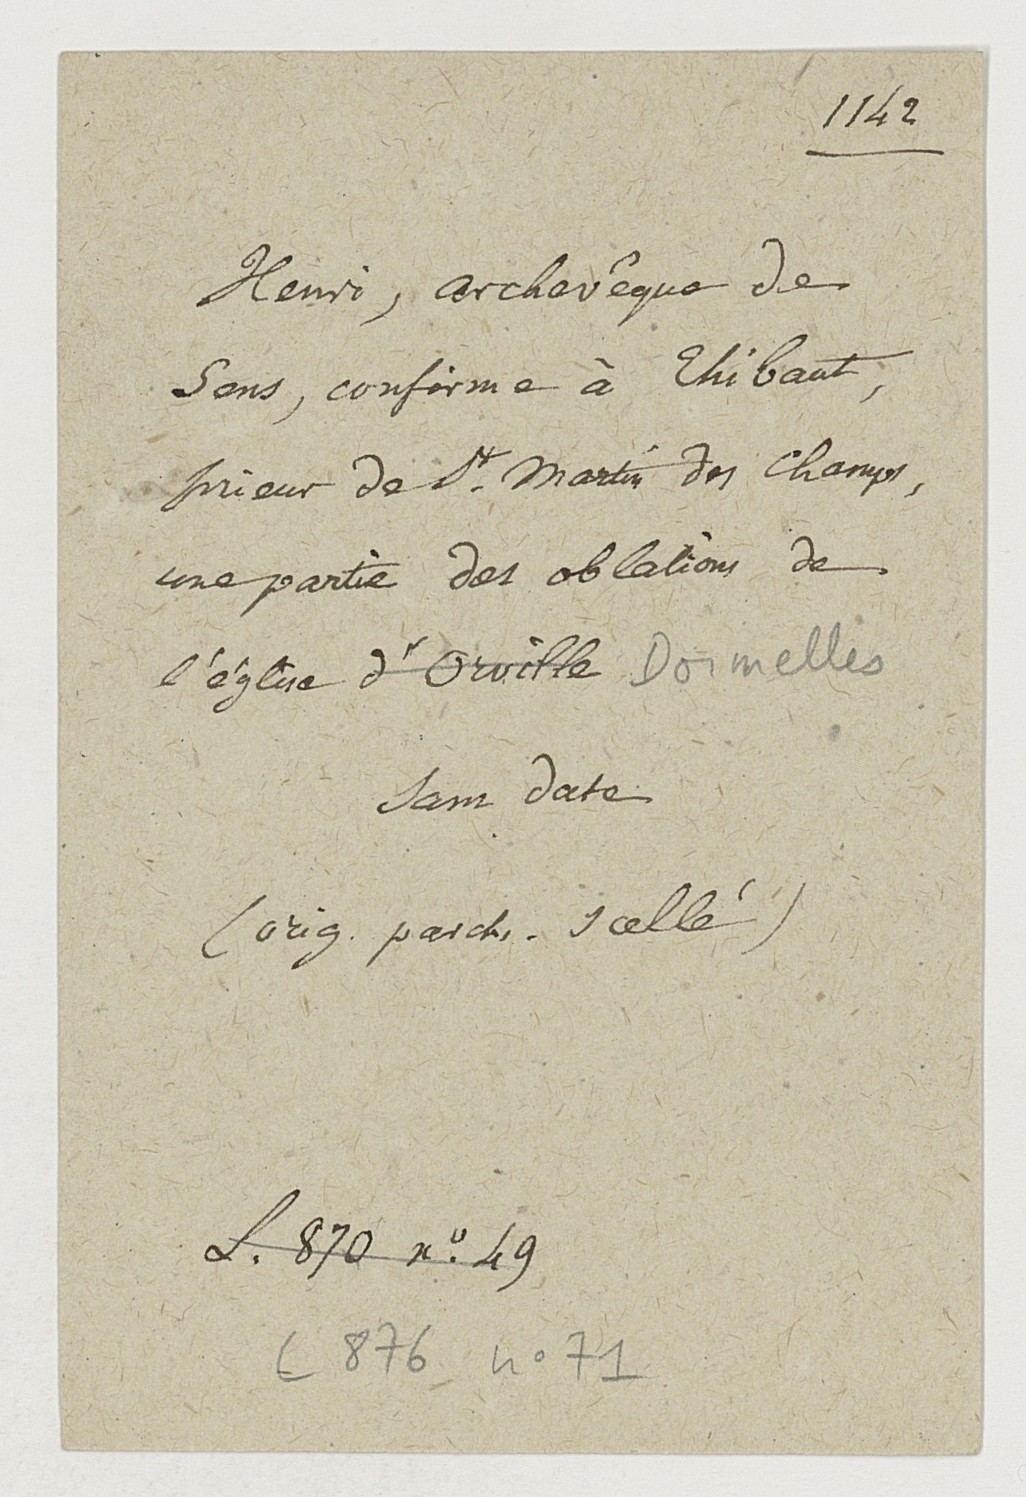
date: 1142
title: Henri, archevêque de Sens, confirme à Thibaut, prieur de Saint-Martin des Champs, une partie des oblations de l'église de Dormelles
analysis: sans date
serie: L
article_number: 876
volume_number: n° 71
